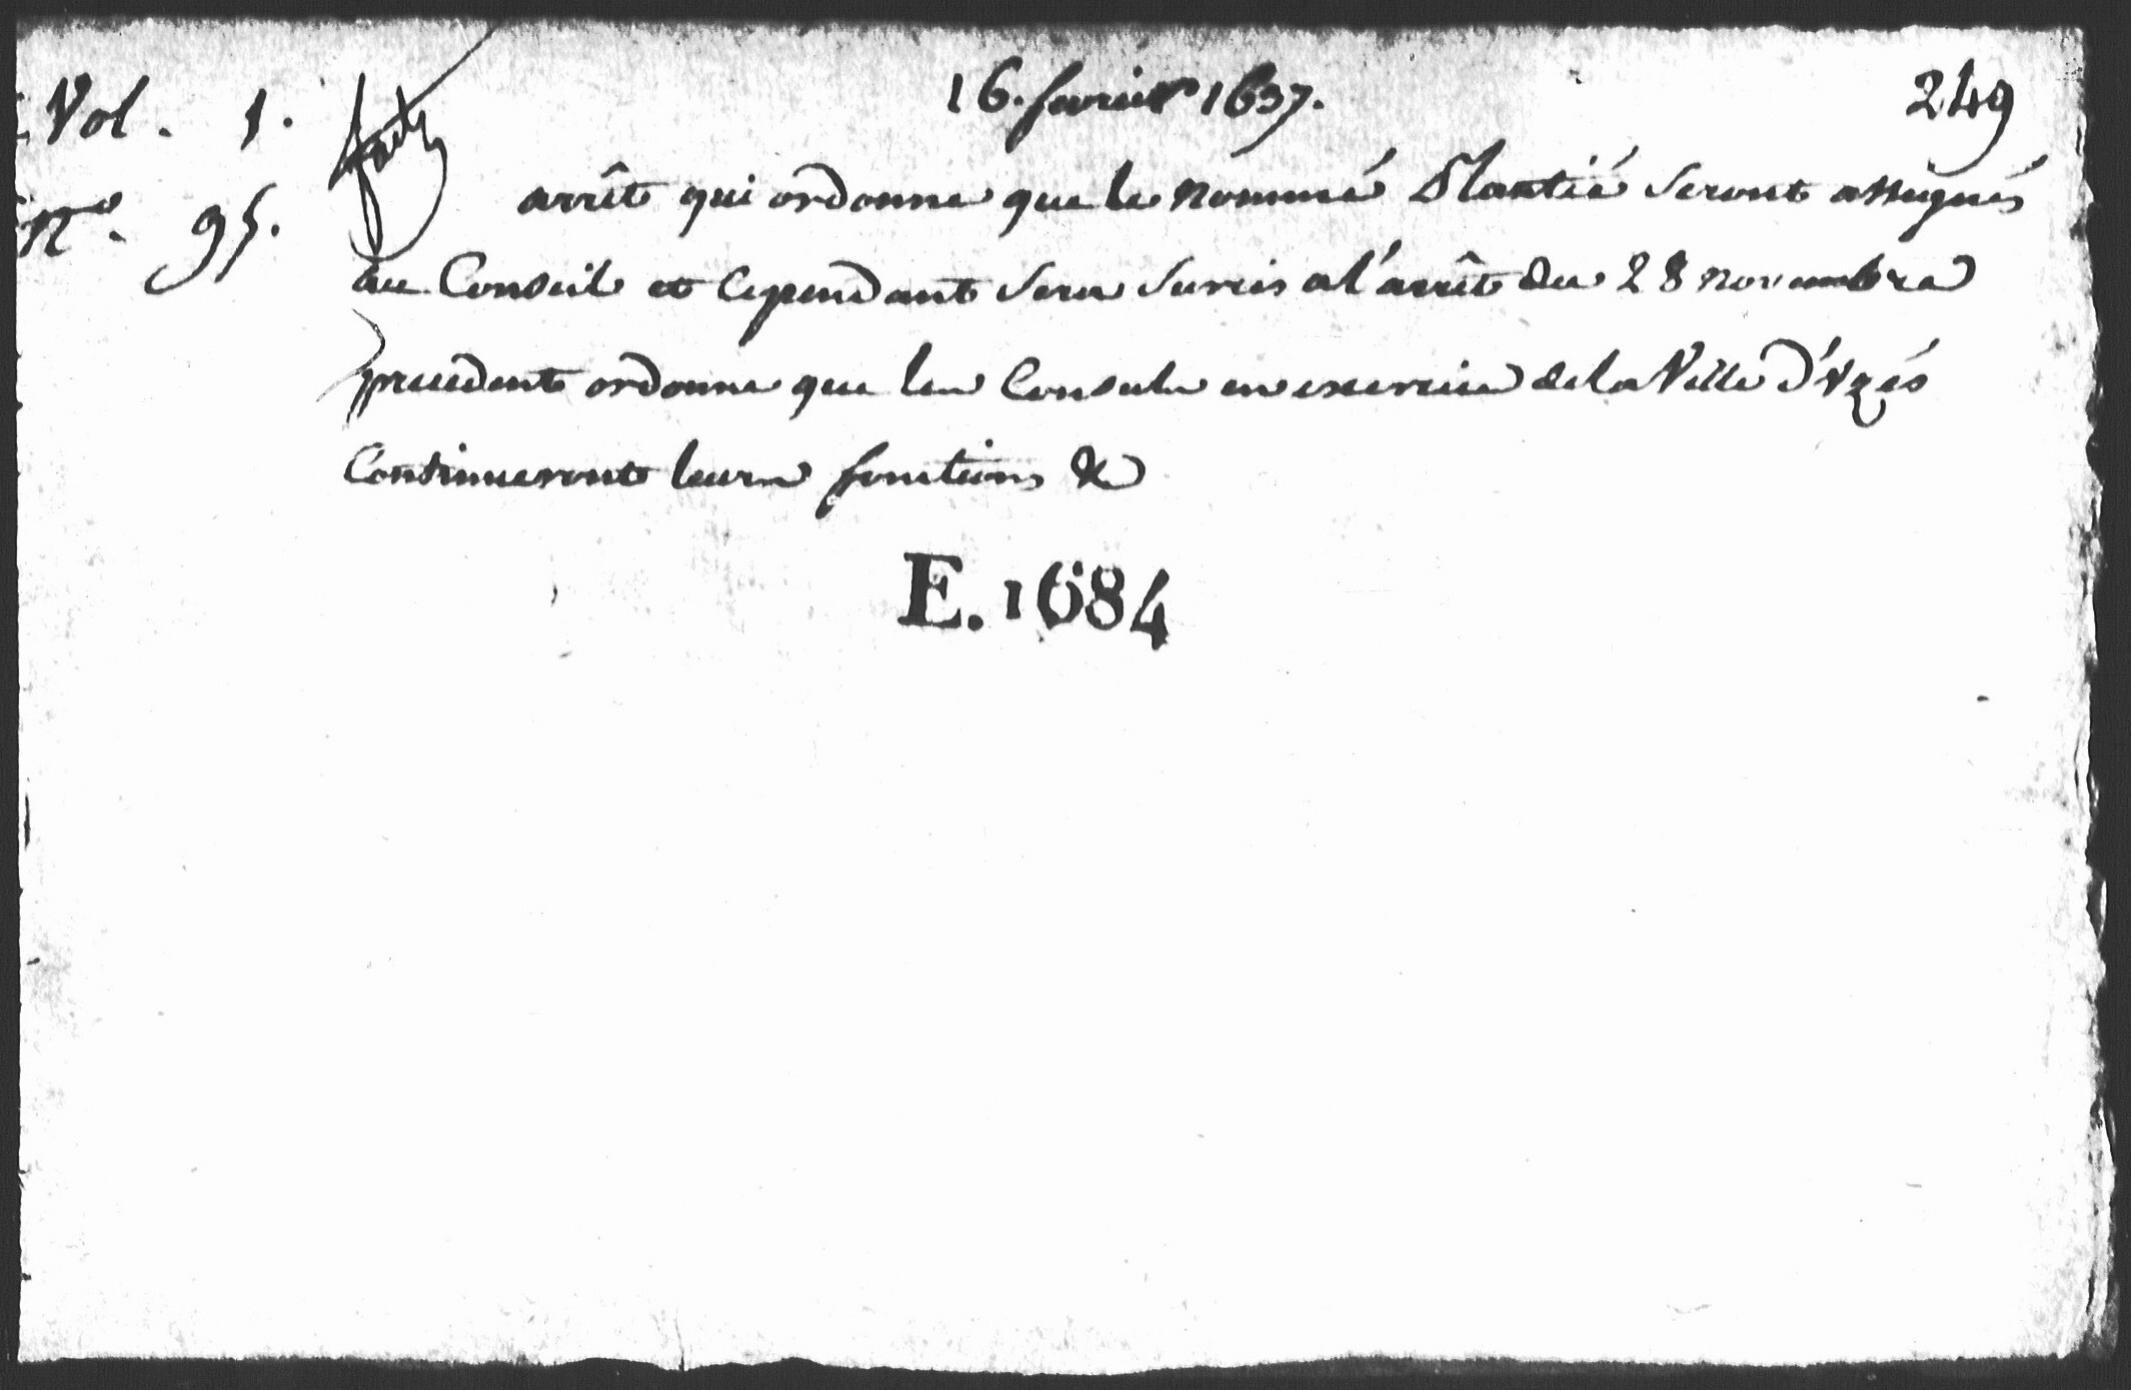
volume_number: n°95
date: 16 février 1637
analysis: faitz 249
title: arrêt qui ordonne que le nommé Plantié seront assignés au Conseil et cependant sera sursis a l'arrêt du 28 novembre precedent ordonne que les consuls en exercice de la Ville d'Uzès continueront leurs fonctions etc.
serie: E
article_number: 1684
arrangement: vol. 1
